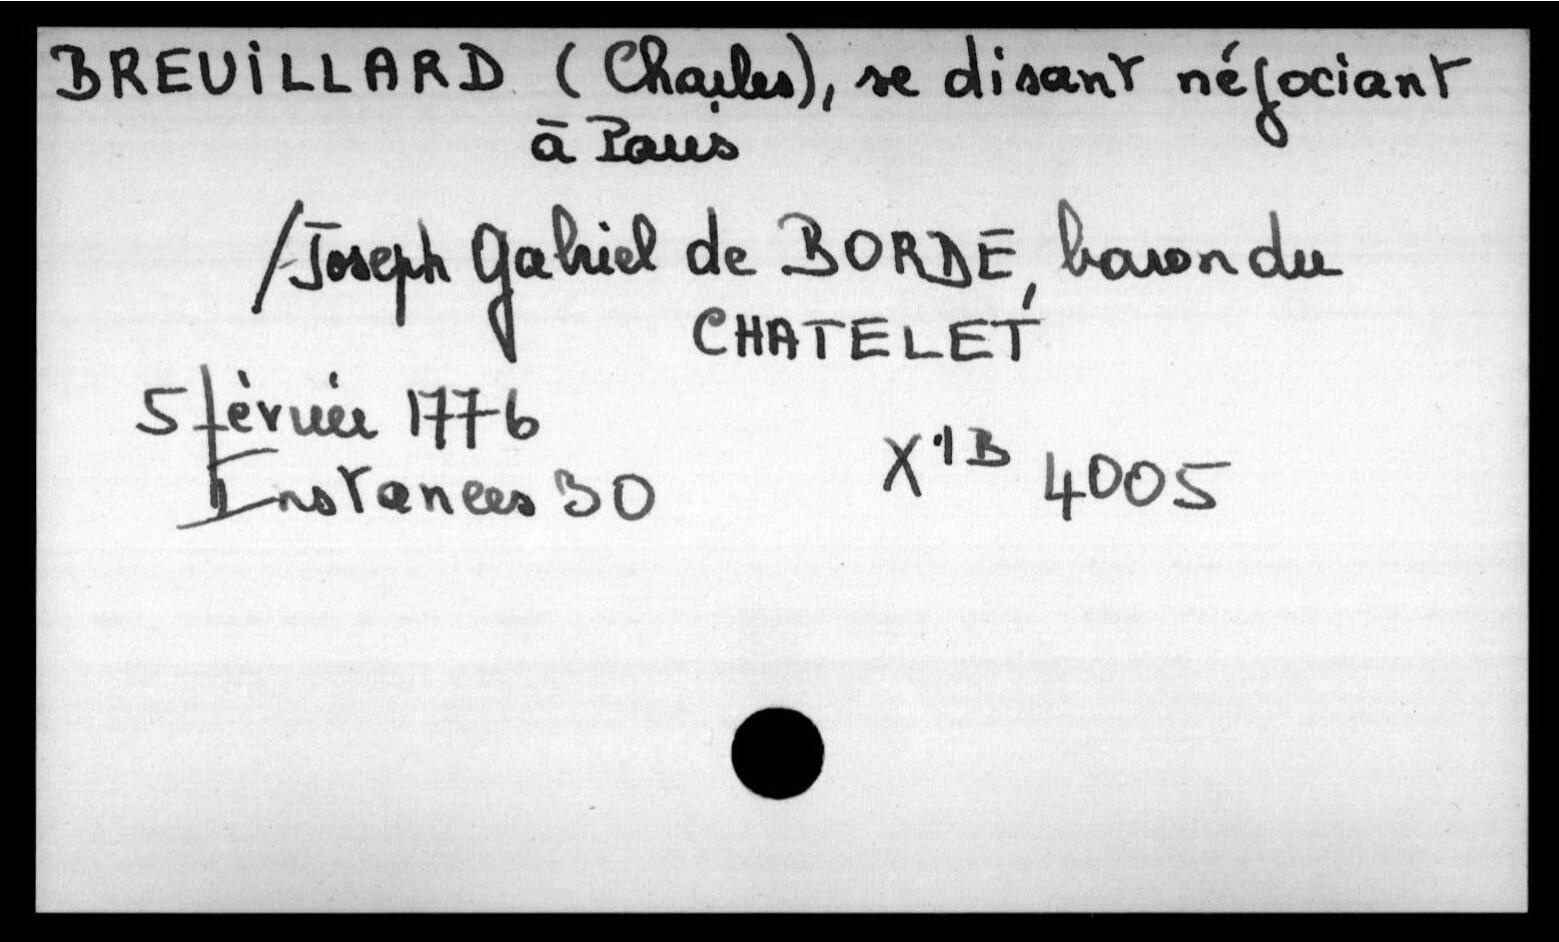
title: BREUILLARD (Charles), se disant négociant à Paris
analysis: Contre Joseph Gabriel de BORDE, baron du CHATELET
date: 5 février 1776
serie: X1b
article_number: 4005
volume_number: Instances, 30
